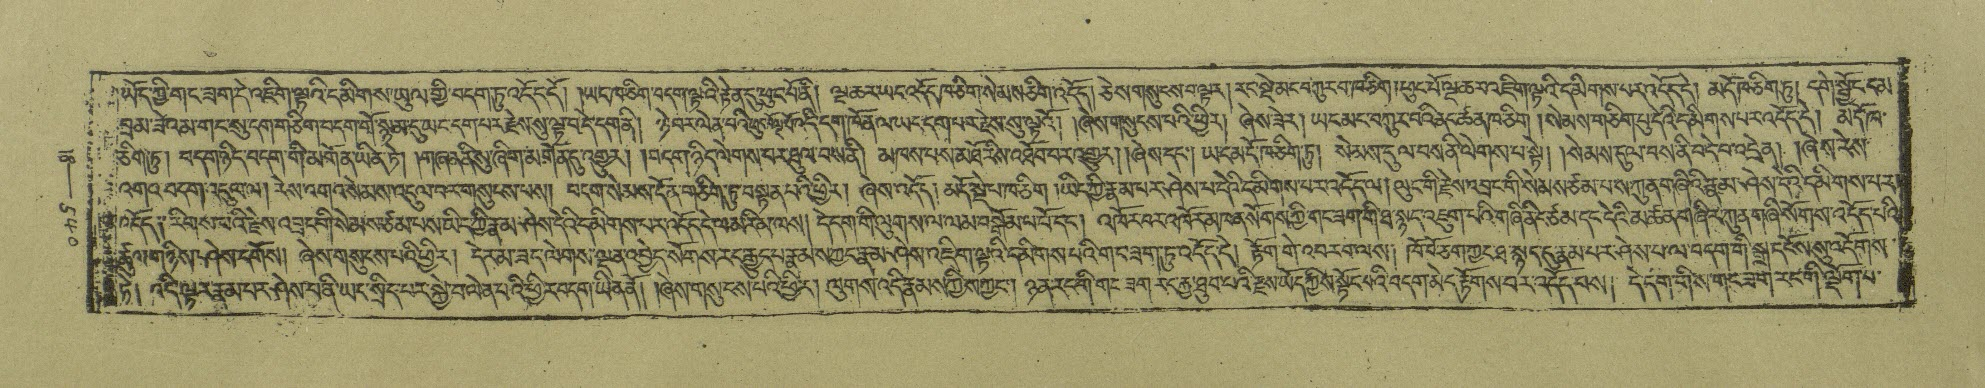ཡོད་ཀྱི་གང་ཟག་དེ་འཇིག་ལྟའི་དམིགས་ཡུལ་གྱི་བདག་ཏུ་འདོད་དོ། །ཡང་ཁ་ཅིག་བདག་ལྟའི་རྟེན་དུ་ཕུང་པོ་ནི། ལྔ་ཆར་ཡང་འདོད་ཁ་ཅིག་སེམས་ཅིག་འདོད། ཅེས་གསུངས་པ་ལྟར། རང་སྡེ་མང་བཀུར་པ་ཁ་ཅིག །ཕུང་པོ་ལྔ་ཆར་འཇིག་ལྟའི་དམིགས་པར་འདོད་དེ། མདོ་ཁ་ཅིག་ཏུ། དགེ་སྦྱོང་ངམ་
བྲམ་ཟེའམ་གང་སུ་དག་གཅིག་བདག་གོ་སྙམ་དུ་ཡང་དག་པར་རྗེས་སུ་ལྟ་བ་དེ་དག་ནི། ཉེ་བར་ལེན་པའི་ཕུང་པོ་ལྔ་པོ་འདི་དག་ཁོ་ན་ལ་ཡང་དག་པར་རྗེས་སུ་ལྟའོ། །ཞེས་གསུངས་པའི་ཕྱིར། ཞེས་ཟེར། ཡང་མང་བཀུར་བའི་ནང་ཚན་ཁ་ཅིག །སེམས་གཅིག་པུ་དེའི་དམིགས་པར་འདོད་དེ། མདོ་ཁ་
ཅིག་ཏུ། བདག་ཉིད་བདག་གི་མགོན་ཡིན་ཏེ། །གཞན་ནི་སུ་ཞིག་མགོན་དུ་འགྱུར། །བདག་ཉིད་ལེགས་པར་ཐུལ་བས་ནི། མཁས་པས་མཐོ་རིས་འཐོབ་པར་འགྱུར། །ཞེས་དང་། ཡང་མདོ་ཁ་ཅིག་ཏུ། སེམས་དུལ་བས་ནི་ལེགས་པ་སྟེ། །སེམས་དུལ་བས་ནི་བདེ་བ་འདྲེན། །ཞེས་རེས་
འགའ་བདག་འདུལ་ལ། རེས་འགའ་སེམས་འདུལ་བར་གསུངས་པས། བདག་སེམས་དོན་གཅིག་ཏུ་བསྟན་པའི་ཕྱིར། ཞེས་འདོད། མདོ་སྡེ་པ་ཁ་ཅིག །ཡིད་ཀྱི་རྣམ་པར་ཤེས་པ་དེའི་དམིགས་པར་འདོད་ལ། ལུང་གི་རྗེས་འབྲང་གི་སེམས་ཙམ་པས་ཀུན་གཞིའི་རྣམ་ཤེས་དེའི་དམིགས་པར་
འདོད། རིགས་པའི་རྗེས་འབྲང་གི་སེམས་ཙམ་པས་ཡིད་ཀྱི་རྣམ་ཤེས་དེའི་དམིགས་པར་འདོད་དེ་ལམ་རིམ་ལས། དེ་དག་གི་ལུགས་ལ་ལམ་བསྒོམ་པ་པོ་དང་། འཁོར་བར་འཁོར་མཁན་སོགས་ཀྱི་གང་ཟག་གི་ཐ་སྙད་འཇུག་པའི་བཞི་ནི་ང་ཙམ་དང་དེའི་མཚན་གཞིར་ཀུན་གཞི་སོགས་འདོད་པའི་
ཚུལ་གཉིས་ཤེས་དགོས། ཞེས་གསུངས་པའི་ཕྱིར། དེར་མ་ཟད་ལེགས་ལྡན་འབྱེད་སོགས་རང་རྒྱུད་པ་རྣམས་ཀྱང་རྣམ་ཤེས་འཇིག་ལྟའི་དམིགས་པའི་གང་ཟག་ཏུ་འདོད་དེ། རྟོག་གེ་འབར་བ་ལས། ཁོ་བོ་ཅག་ཀྱང་ཐ་སྙད་དུ་རྣམ་པར་ཤེས་པ་ལ་བདག་གི་སྒྲ་དངོས་སུ་འདོགས་
ཏེ། འདི་ལྟར་རྣམ་པར་ཤེས་པ་ནི་ཡང་སྲིད་པར་སྐྱེ་བ་ལེན་པའི་ཕྱིར་བདག་ཡིན་ནོ། །ཞེས་གསུངས་པའི་ཕྱིར། ལུགས་འདི་རྣམས་ཀྱིས་ཀྱང་། ཉན་རང་གི་གང་ཟག་རང་རྐྱ་ཐུབ་པའི་རྫས་ཡོད་ཀྱིས་སྟོང་པའི་བདག་མེད་རྟོགས་པར་འདོད་པས། དེ་དག་གིས་གང་ཟག་རང་གི་ལྡོག་པ་